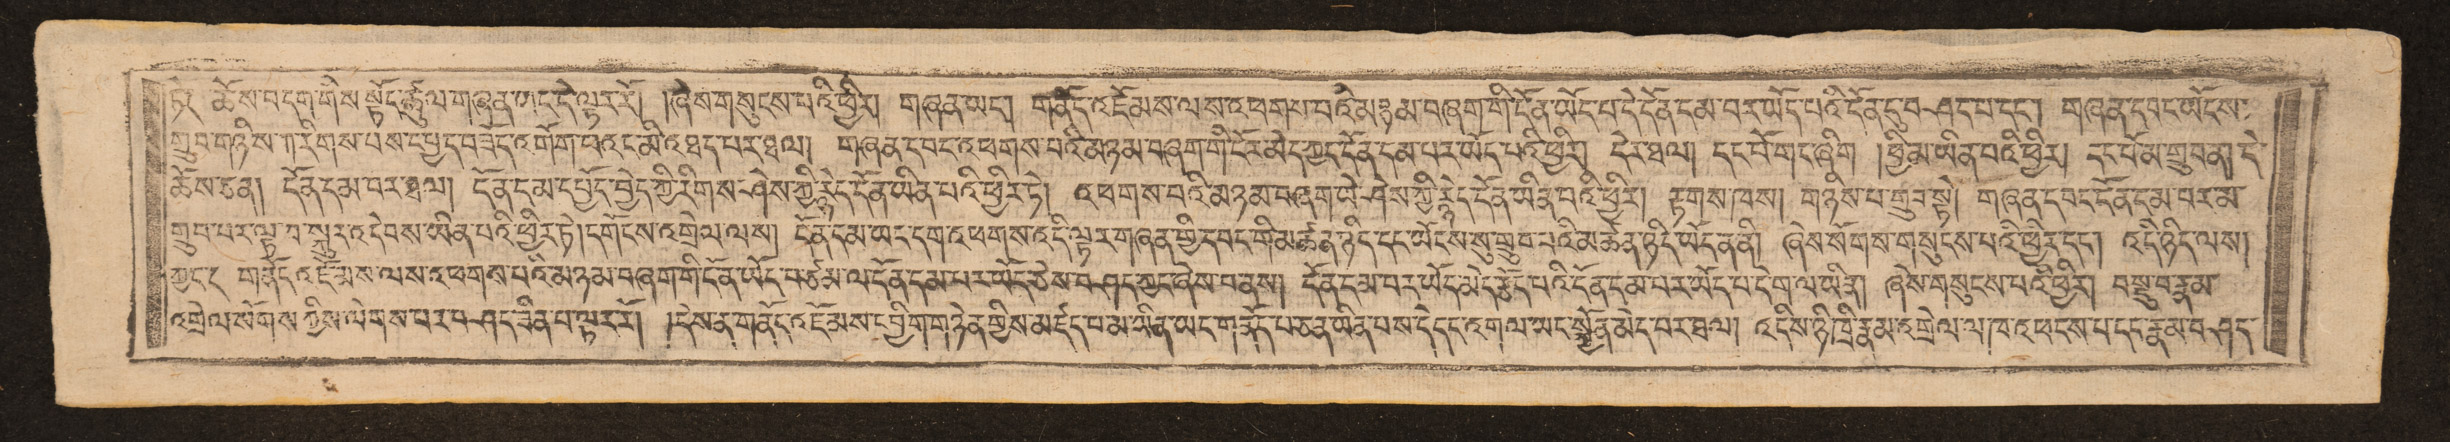ཏེ༑ ཆོས་བདག་གིས་སྟོང་ཚུལ་གཞན་ཡང་དེ་ལྟར་རོ། །ཞེས་གསུངས་པའི་ཕྱིར། གཞན་ཡང་། གནོད་འཇོམས་ལས་འཕགས་པའི་མཉམ་བཞག་གི་དོན་ཡོད་པ་དེ་དོན་དམ་པར་ཡོད་པའི་དོན་དུ་བཤད་པ་དང་། གཞན་དབང་ཡོངས་
གྲུབ་གཉིས་ཀ་རིགས་པས་དཔྱད་བཟོད་འགོག་པའང་མི་འཐད་པར་ཐལ། གཞན་དཔངས་འཕགས་པའི་མཉམ་བཞག་གི་ངོར་མེད་ཀྱང་དོན་དམ་པར་ཡོད་པའི་ཕྱིར། དེར་ཐལ། དང་པོ་གང་ཞིག །ཕྱི་མ་ཡིན་པའི་ཕྱིར། དང་པོ་མ་གྲུབ་ན། དེ་
ཆོས་ཅན། དོན་དམ་པར་ཐལ། དོན་དམ་དཔྱོད་བྱེད་ཀྱི་རིགས་ཤེས་ཀྱི་རྙེད་དོན་ཡིན་པའི་ཕྱིར་ཏེ། འཕགས་པའི་མཉམ་བཞག་ཡེ་ཤེས་ཀྱི་རྙེད་དོན་ཡིན་པའི་ཕྱིར། རྟགས་ཁས། གཉིས་པ་གྲུབ་སྟེ། གཞན་དབང་དོན་དམ་པར་མ་
གྲུབ་པར་ལྟ་བ་སྐུར་འདེབས་ཡིན་པའི་ཕྱིར་ཏེ། དགོངས་འགྲེལ་ལས། དོན་དམ་ཡང་དག་འཕགས་འདི་ལྟར་གཞན་གྱི་དབང་གི་མཚན་ཉིད་དང་ཡོངས་སུ་གྲུབ་པའི་མཚན་ཉིད་ཡོད་ན་ནི། ཞེས་སོགས་གསུངས་པའི་ཕྱིར་དང་། འདི་ཉིད་ལས་
ཀྱང༑ གནོད་འཇོམས་ལས་འཕགས་པའི་མཉམ་བཞག་གི་དོན་ཡོད་པ་ཙམ་ལ་དོན་དམ་པར་ཡོད་ཅེས་བཤད་ཀྱང་ཞེས་པ་ནས། དོན་དམ་པར་ཡོད་མེད་རྩོད་པའི་དོན་དམ་པར་ཡོད་པ་དེ་ག་ལ་ཡིན། ཞེས་གསུངས་པའི་ཕྱིར། བསྡུ་བ་རྣམ་
འགྲེལ་སོགས་ཀྱིས་ལེགས་པར་བཤད་ཟིན་པ་ལྟར་རོ། །དེས་ན་གནོད་འཇོམས་དབྱིག་གཉེན་གྱིས་མཛད་པ་མ་ཡིན་ཡང་གནོད་པ་ཅན་ཡིན་པས་དེ་དང་འགལ་ཡང་སྐྱོན་མེད་པར་ཐལ། འདིས་ཉི་ཁྲི་རྣམ་འགྲེལ་ལ་ཁ་འཕངས་བ་དང་རྣམ་བཤད་